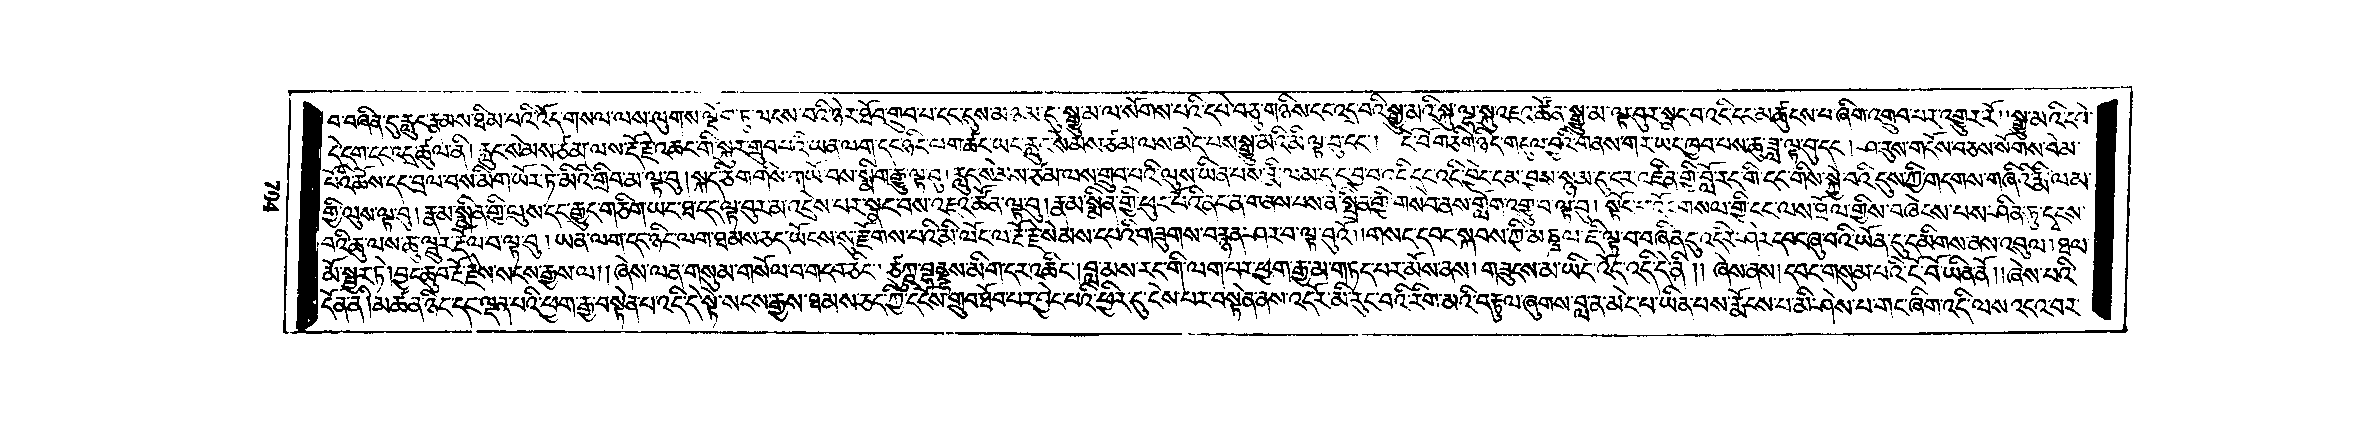བ་བཞིན་དུ་རླུང་རྣམས་ཐིམ་པའི་འོད་གསལ་ལས་ལུགས་ལྡོག་ཏུ་ལངས་པའི་ཉེར་ཐོབ་གྲུབ་པ་དང་དུས་མཉམ་དུ་སྒྱུ་མ་ལ་སོགས་པའི་དཔེ་བཅུ་གཉིས་དང་འདྲ་བའི་སྒྱུ་མའི་སྐུ་ལྷ་སྐུ་འཇའ་ཚོན་སྒྱུ་མ་ལྟ་བུར་སྣང་བ་འདི་དང་མཚུངས་པ་ཞིག་འགྲུབ་པར་འགྱུར་རོ། །སྒྱུ་མའི་དཔེ་
དེ་དག་དང་འདྲ་ཚུལ་ནི། རླུང་སེམས་ཙམ་ལས་རྡོ་རྗེ་འཆང་གི་སྐུར་གྲུབ་པའི་ཡན་ལག་དང་ཉིད་ལག་ཚང་ཡང་རླུང་སེམས་ཙམ་ལས་མེད་པས་སྒྱུ་མའི་མི་ལྟ་བུ་དང་། ངོ་བོ་གཅིག་ཉིད་གདུལ་བྱའི་གནས་གར་ཡང་ཁྱབ་པས་ཆུ་ཟླ་ལྟ་བུ་དང་། ཤ་རུས་གདོས་བཅས་སོགས་བེམ་
པོའི་ཆོས་དང་བྲལ་བས་མིག་ཡོར་ཏེ་མིའི་གྲིབ་མ་ལྟ་བུ། སྐད་ཅིག་གིས་གཡོ་བས་སྨིག་རྒྱུ་ལྟ་བུ། རླུང་སེམས་ཙམ་ལས་གྲུབ་པའི་ལུས་ཡིན་པས་རྨི་ལམ་དུ་ད་བྱ་བ་འདི་དང་འདི་བྱེད་དམ་བྱས་སྙམ་དུ་ངར་འཛིན་གྱི་བློ་རང་གི་ངང་གིས་སྐྱེ་བའི་དུས་ཀྱི་གདགས་གཞིའི་རྨི་ལམ་
གྱི་ལུས་ལྟ་བུ། རྣམ་སྨིན་གྱི་ལུས་དང་རྒྱུད་གཅིག་ཡང་ཐ་དད་ལྟ་བུར་མ་འདྲེས་པར་སྣང་བས་འཇའ་ཚོན་ལྟ་བུ། རྣམ་སྨིན་གྱི་ཕུང་པོའི་ནང་ན་གནས་པས་ན་སྤྲིན་གྱི་གསབ་ན་གློག་འགྱུ་བ་ལྟ་བུ། སྟོང་པ་འོད་གསལ་གྱི་ངང་ལས་ཐོལ་གྱིས་བཞེངས་པས་ཤིན་ཏུ་དྭངས་
བའི་ཆུ་ལས་ཆུ་ལྦུར་རྡོལ་བ་ལྟ་བུ། ཡན་ལག་དང་ཉིད་ལག་ཐམས་ཅད་ཡོངས་སུ་རྫོགས་པའི་མི་ལོང་ལ་རྡོ་རྗེ་སེམས་དཔའི་གཟུགས་བརྙན་ཤར་བ་ལྟ་བུའོ། །གསང་དབང་སྐབས་ཀྱི་མཎྜལ་ཇི་ལྟ་བ་བཞིན་དུ་འདིར་ཤེར་དབང་ཞུ་བའི་ཡོན་དུ་དམིགས་ནས་འབུལ། ཐལ་
མོ་སྦྱར་ཏེ། བྱང་ཆུབ་རྡོ་རྗེས་སངས་རྒྱས་ལ། །ཞེས་ལན་གསུམ་གསོལ་བ་གདབ་ཅིང་། ཙུཀྵ་བྷནྡྷས་མིག་དར་འཆིང་། བླ་མས་རང་གི་ལག་པར་ཕྱག་རྒྱ་མ་གཏད་པར་མོས་ནས། གཟུངས་མ་ཡིད་འོད་འདི་དེ་ནི། །ཞེས་ནས། དབང་གསུམ་པའི་ངོ་བོ་ཡིན་ནོ། །ཞེས་པའི་
དོན་ནི། མཚན་ཉིད་དང་ལྡན་པའི་ཕྱག་རྒྱ་བསྟེན་པ་འདི་དེ་སྟེ་སངས་རྒྱས་ཐམས་ཅད་ཀྱི་དངོས་གྲུབ་ཐོབ་པར་བྱེད་པའི་ཕྱིར་དུ་ངེས་པར་བསྟེན་ནས་འདོར་མི་རུང་བའི་རིག་མའི་བརྟུལ་ཞུགས་བླ་ན་མེད་པ་ཡིན་པས་རྨོངས་པ་མི་ཤེས་པ་གང་ཞིག་འདི་ལས་འདའ་བར་